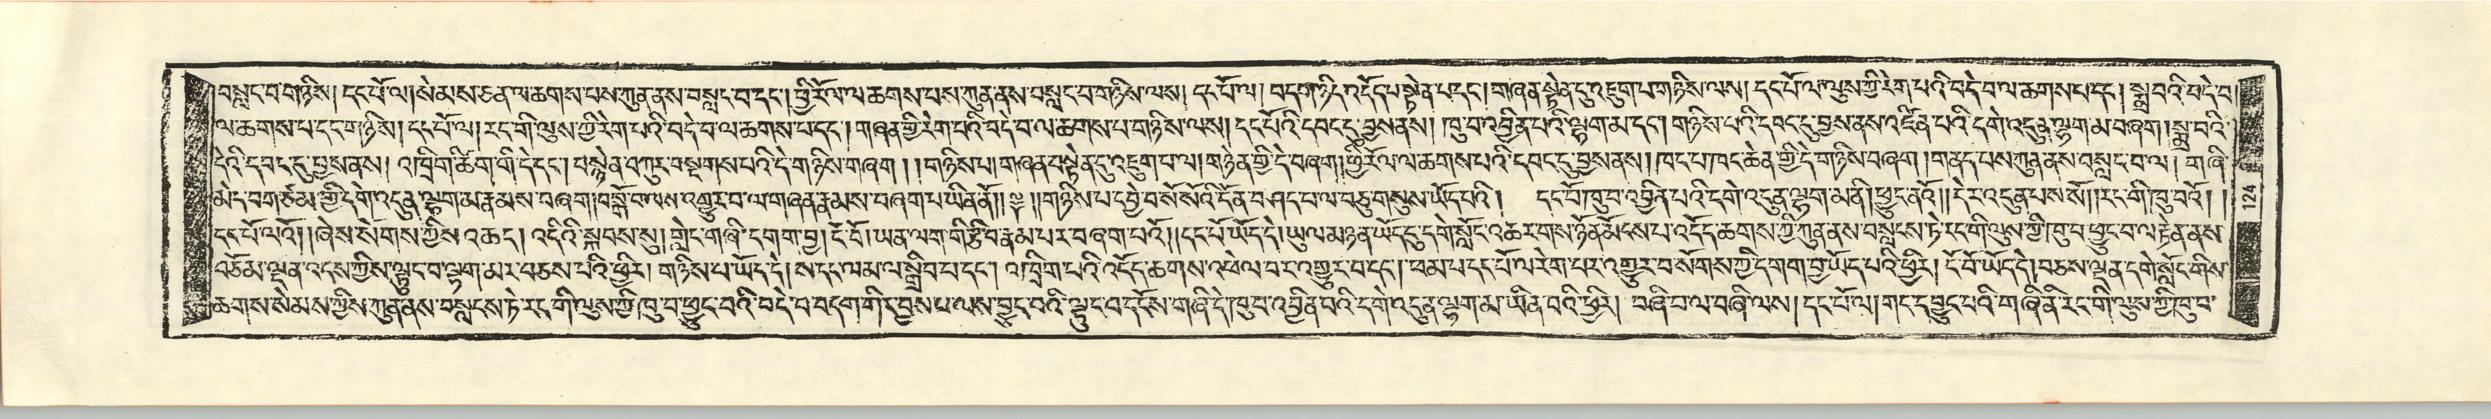བསླང་བ་གཉིས། དང་པོ་ལ། སེམས་ཅན་ལ་ཆགས་པས་ཀུན་ནས་བསླང་བ་དང་། ཕྱི་རོལ་ལ་ཆགས་པས་ཀུན་ནས་བསླང་བ་གཉིས་ལས། དང་པོ་ལ། བདག་ཉིད་འདོད་པ་སྟེན་པ་དང་། གཞན་སྟེན་དུ་འཇུག་པ་གཉིས་ལས། དང་པོ་ལ་ལུས་ཀྱི་རེག་པའི་བདེ་བ་ལ་ཆགས་པ་དང་། སྨྲ་བའི་བདེ་བ་
ལ་ཆགས་པ་དང་གཉིས། དང་པོ་ལ། རང་གི་ལུས་ཀྱི་རེག་པའི་བདེ་བ་ལ་ཆགས་པ་དང་། གཞན་གྱི་རེག་པའི་བདེ་བ་ལ་ཆགས་པ་གཉིས་ལས། དང་པོའི་དབང་དུ་བྱས་ནས། ཁུ་བ་འབྱིན་པའི་ལྷག་མ་དང་། གཉིས་པའི་དབང་དུ་བྱས་ནས་འཛིན་པའི་དགེ་འདུན་ལྷག་མ་བཞག། སྨྲ་བའི་
དེའི་དབང་དུ་བྱས་ནས། འཁྲིག་ཚིག་གི་དེ་དང་། བསྙེན་བཀུར་བསྔགས་པའི་དེ་གཉིས་གཞག། །གཉིས་པ། གཞན་བསྟེན་དུ་འཇུག་པ་ལ། གཉེན་གྱི་དེ་བཞག །ཕྱི་རོལ་ལ་ཆགས་པའི་དབང་དུ་བྱས་ནས། ཁང་པ་ཁང་ཆེན་གྱི་དེ་གཉིས་བཞག །གནད་པས་ཀུན་ནས་བསླང་བ་ལ། གཞི་
མེད་བག་ཙམ་གྱི་དགེ་འདུན་ལྷག་མ་རྣམས་བཞག །བསྒོ་བ་ལས་འགྱུར་བ་ལ་གཞན་རྣམས་བཞག་པ་ཡིན་ནོ།།༈།།གཉིས་པ་དབྱེ་བ་སོ་སོའི་དོན་བཤད་པ་ལ་བཅུ་གསུམ་ཡོད་པའི། དང་པོ་ཁུ་བ་འབྱིན་པའི་དགེ་འདུན་ལྷག་མ་ནི། ཕྱུང་ནའོ། །དེར་འདུན་པས་སོ། །རང་གི་ཁུ་བའོ། །
དང་པོ་ལའོ། །ཞེས་སོགས་ཀྱིས་འཆད། འདིའི་སྐབས་སུ། གླེང་གཞི་དགག་བྱ། ངོ་བོ། ཡན་ལག་གི་རྩི་བ་རྣམ་པར་བཞག་པའོ། །དང་པོ་ཡོད་དེ། ཡུལ་མཉན་ཡོད་དུ་དགེ་སློང་འཆར་གས་ཉོན་མོངས་པ་འདོད་ཆགས་ཀྱི་ཀུན་ནས་བསླངས་ཏེ་རང་གི་ལུས་ཀྱི་ཁུ་བ་ཕྱུང་བ་ལ་རྟེན་ནས་
བཅོམ་ལྡན་འདས་ཀྱིས་ལྟུང་བ་ལྷག་མར་བཅས་པའི་ཕྱིར། གཉིས་པ་ཡོད་དེ། ས་དང་ལམ་ལ་སྒྲིབ་པ་དང་། འཁྲིག་པའི་འདོད་ཆགས་འཕེལ་བར་འགྱུར་བ་དང་། ཕམ་པ་དང་པོ་ལ་རེག་པར་འགྱུར་བ་སོགས་ཀྱི་དགག་བྱ་ཡོད་པའི་ཕྱིར། ངོ་བོ་ཡོད་དེ། བཅས་ལྡན་དགེ་སློང་གིས་
ཆགས་སེམས་ཀྱིས་ཀུན་ནས་བསླངས་ཏེ་རང་གི་ལུས་ཀྱི་ཁུ་བ་ཕྱུང་བའི་བདེ་བ་བདག་གིར་བྱས་པ་ལས་བྱུང་བའི་ལྟུང་བ་དངོས་གཞི་དེ་ཁུ་བ་འབྱིན་པའི་དགེ་འདུན་ལྷག་མ་ཡིན་བའི་ཕྱིར། བཞི་བ་ལ་བཞི་ལས། དང་པོ་ལ། གང་དབྱུང་པའི་གཞི་ནི་རང་གི་ལུས་ཀྱི་ཁུ་བ་